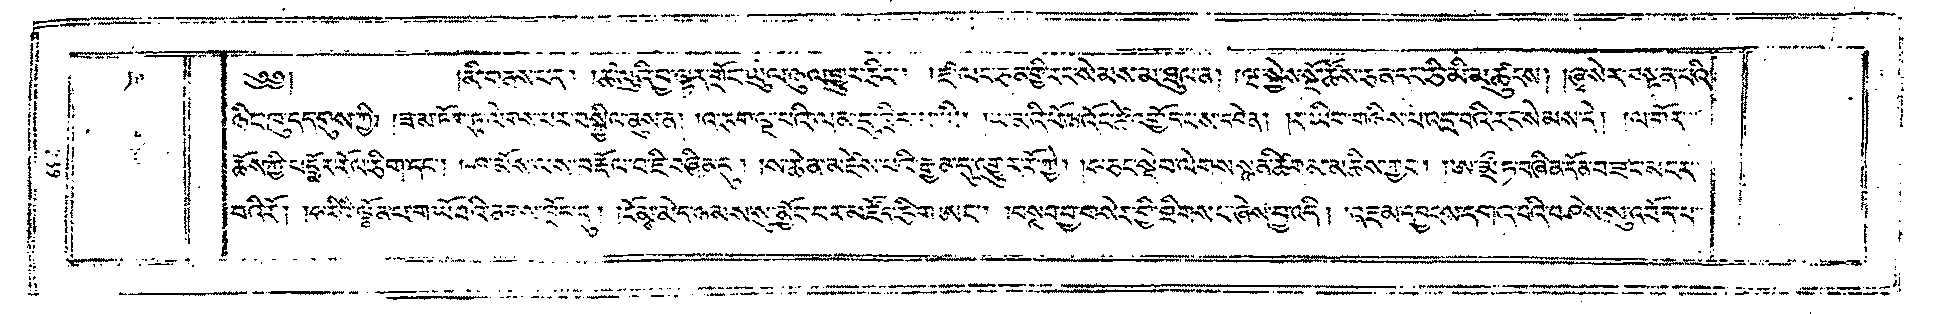༄༅། །མི་གནས་པར། །ཚ་ལུའི་བྱ་ལྟར་གྲོང་ཡུལ་ཉུལ་གྱུར་ཅིང་། །ཛ་ལང་ཅན་གྱི་རང་སེམས་མ་ཐུལ་ན། །ཝ་སྐྱེས་སྔོ་ཚོས་ཅན་དང་ཅི་མི་མཚུངས། །ཞྭ་སེར་བསྟན་པའི་
ཉིང་ཁུ་དད་གུས་ཀྱི། །ཟ་མ་ཏོག་ཏུ་ལེགས་པར་བསྐྱིལ་ནུས་ན། །འ་ཅག་ལྔ་པའི་ལམ་དུ་ཁྲིད་པ་ཡི། །ཡ་མའི་ཕོ་ཉ་འོང་ཚེ་འགྱོད་པས་དབེན། །ར་ཡིག་གཉིས་པ་འདྲ་བའི་རང་སེམས་དེ། །ལ་གོར་
ཆོས་ཀྱི་པདམོར་རོལ་ཅིག་དང་། །ཤ་མོ་ས་ལས་བརྡོལ་བ་ཇི་བཞིན་དུ། །ས་ཆེན་མཛེས་པའི་རྒྱན་དུ་འགྱུར་རོ་ཀྱེ། །ཧ་ཅང་སྡེབ་ལེགས་སྙན་ཚིག་མ་མཆིས་ཀྱང་། །ཨ་མྲྀ་ཏ་བཞིན་དོན་བཟང་མངར་
བའི་རོ། །ཧ་རིའི་ལྗོན་པ་གཡོ་བའི་ནགས་ཁྲོད་དུ། །ངོམས་མེད་ཉམས་སུ་མྱོང་བར་མཛོད་ཅིག་ཨང་། །བསླབ་བྱ་གསེར་གྱི་ཐིགས་པ་ཞེས་བྱ་འདི། །འཇམ་དབྱངས་དགའ་བའི་བཤེས་སུ་འབོད་པ་